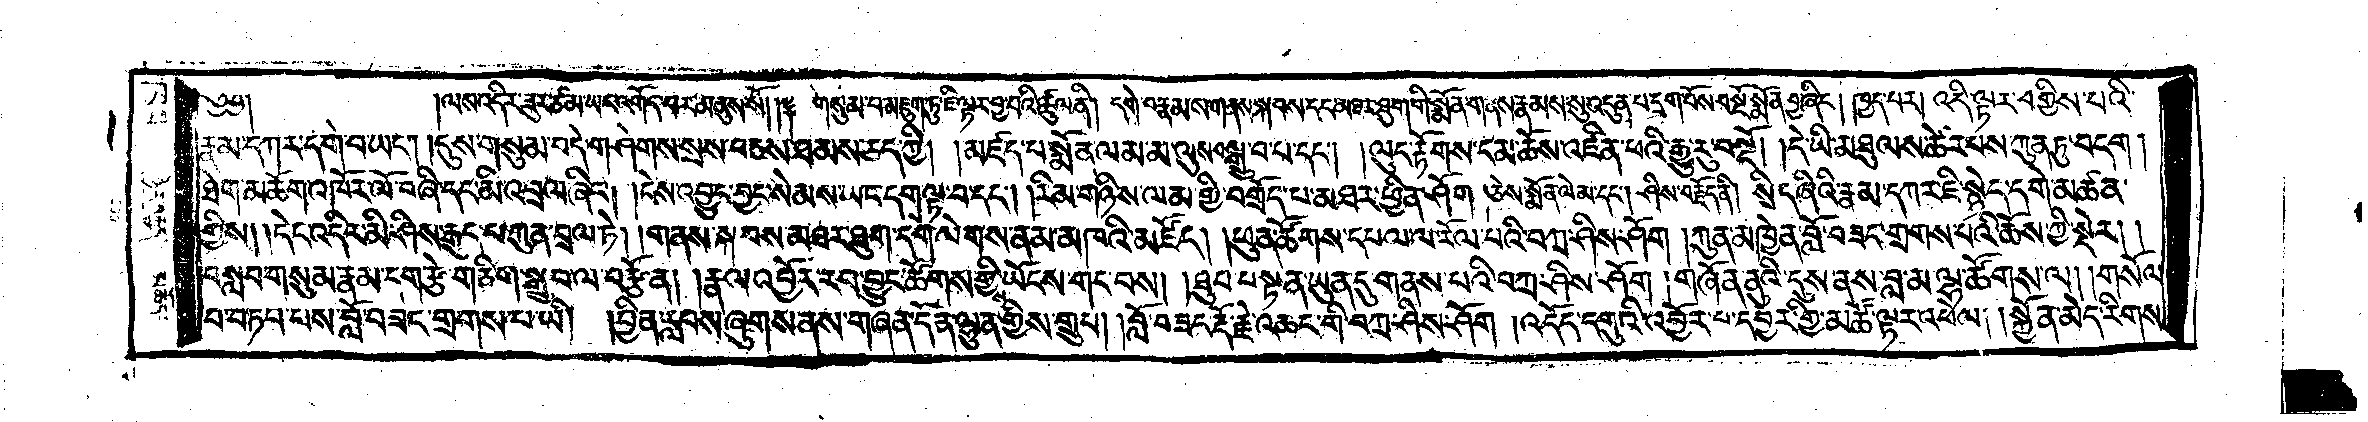༄༅། །ལས་འདིར་ཟུར་ཙམ་ཡང་འགོད་པར་མ་ནུས་སོ། །༈ གསུམ་པ་མཇུག་ཏུ་ཇི་ལྟར་བྱ་བའི་ཚུལ་ནི། དགེ་བ་རྣམ་གནས་སྐབས་དང་མཐར་ཐུག་གི་སྨོན་གནས་རྣམས་སུ་འདུན་པ་དྲག་པོས་བསྔོ་སྨོན་བྱ་ཞིང་། ཁྱད་པར། འདི་ལྟར་བགྱིས་པའི་
རྣམ་དཀར་དགེ་བ་ཡང་། །དུས་གསུམ་བདེ་གཤེགས་སྲས་བཅས་ཐམས་ཅད་ཀྱི། །མཛད་པ་སྨོན་ལམ་མ་ལུས་བསྒྲུབ་པ་དང་། །ལུང་རྟོགས་ངམ་ཆོས་འཛིན་པའི་རྒྱུ་རུ་བསྔོ། །དེ་ཡི་མཐུ་ལས་ཚེ་རབས་ཀུན་ཏུ་བདག།།
ཐེག་མཆོག་འཁོར་ལོ་བཞི་དང་མི་འབྲལ་ཞིང་། །ངེས་འབྱུང་བྱང་སེམས་ཡང་དག་ལྟ་བ་དང་། །རིམ་གཉིས་ལམ་གྱི་བགྲོད་པ་མཐར་ཕྱིན་ཤོག །ཅེས་སྨོན་ལམ་དང་། ཤིས་བརྗོད་ནི། སྲིད་ཞིའི་རྣམ་དཀར་ཇི་སྙེད་དགེ་མཚན་
གྱིས། །དེང་འདིར་མི་ཤིས་རྒྱུད་པ་ཀུན་བྲལ་ཏེ། །གནས་སྐབས་མཐར་ཐུག་དགེ་ལེགས་ནམ་མཁའི་མཛོད། །ཕུན་ཚོགས་དཔལ་ལ་རོལ་པའི་བཀྲ་ཤིས་ཤོག །ཀུན་མཁྱེན་བློ་བཟང་གྲགས་པའི་ཆོས་ཀྱི་སྡེར། །
བསླབ་གསུམ་རྣམ་དག་རྩེ་གཅིག་སྒྲུབ་ལ་བརྩོན། །རྣལ་འབྱོར་རབ་བྱུང་ཚོགས་གྱི་ཡོངས་གང་བས། །ཐུབ་བསྟན་ཡུན་དུ་གནས་པའི་བཀྲ་ཤིས་ཤོག །གཞོན་ནུའི་དུས་ནས་བླ་མ་ལྷ་ཚོགས་ལ། །གསོལ་
བ་བཏབ་པས་བློ་བཟང་གྲགས་པ་ཡི། །བྱིན་རླབས་ཞུགས་ནས་གཞན་དོན་ལྷུན་གྱིས་གྲུབ། །བློ་བཟང་རྡོ་རྗེ་འཆང་གི་བཀྲ་ཤིས་ཤོག །འདོད་དགུའི་འབྱོར་པ་དབྱེར་གྱི་མཚོ་ལྟར་འཕེལ། །སྐྱོན་མེད་རིགས་